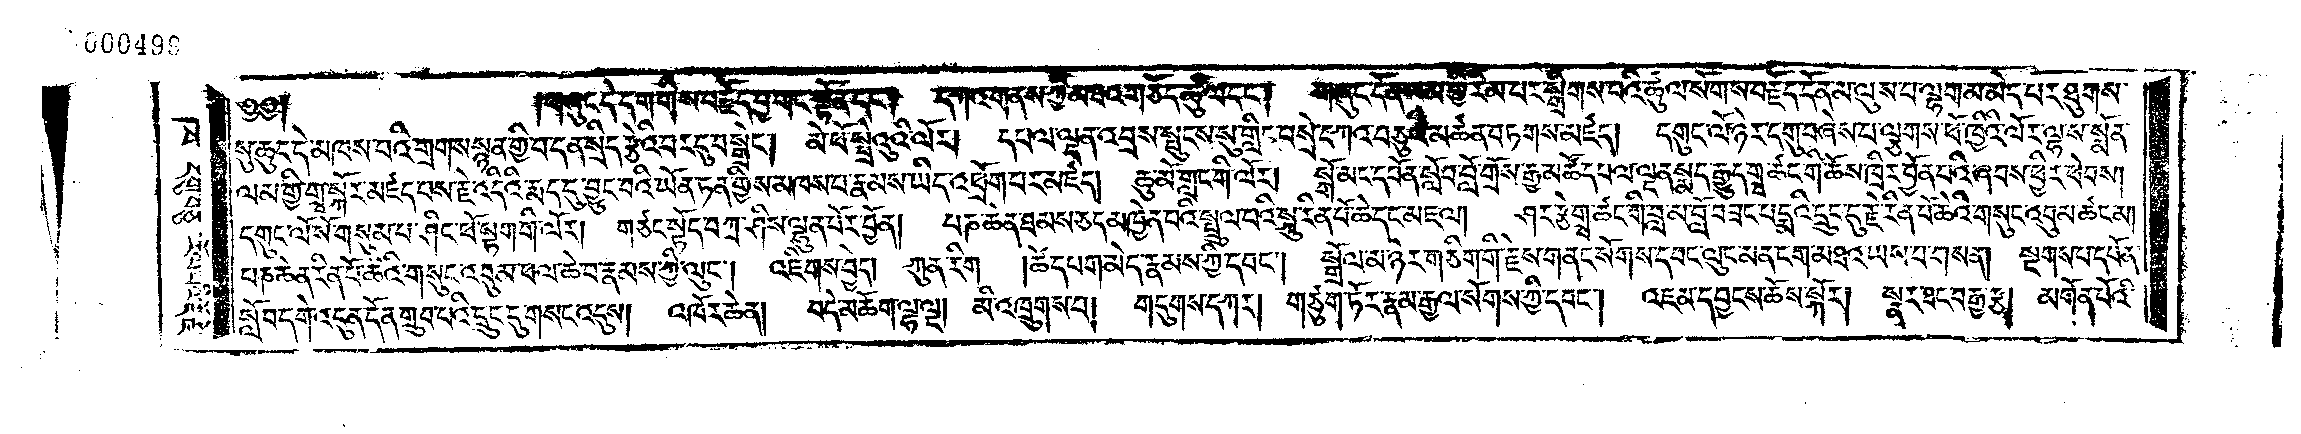༄༅། །གཞུང་དེ་དག་གིས་བརྗོད་བྱ་གང་སྟོན་དང་། དཀའ་གནས་ཀྱི་མཐའ་གཅོད་ཚུལ་དང་། གཞུང་དོན་ལམ་གྱི་རིམ་པར་སྒྲིགས་པའི་ཚུལ་སོགས་བརྗོད་དོན་མ་ལུས་བ་ལྷག་མ་མེད་པར་ཐུགས་
སུ་ཆུང་དེ་མཁས་པའི་གྲགས་སྙན་གྱི་བ་དན་སྲིད་རྩེའི་བར་དུ་བསྒྲེང་། མེ་ཕོ་སྤྲེའུའི་ལོར། དཔལ་ལྡན་འབྲས་སྤུངས་སུ་གླིང་བསྲེ་དཀའ་བཅུའི་མཚན་བཏགས་མཛད། དགུང་ལོ་ཉེར་དགུ་བཞེས་པ་ལྕགས་ཕོ་ཁྱིའི་ལོར་ལྷས་སྨོན་
ལམ་གྱི་གྲྭ་སྐོར་མཛད་པས་རྗེ་འདིའི་རྨད་དུ་བྱུང་བའི་ཡོན་ཏན་གྱིས་མཁས་པ་རྣམས་ཡིད་འཕྲོག་པར་མཛད། ཆུ་མོ་གླང་གི་ལོར། སྒོ་མང་དཔོན་སློབ་བློ་གྲོས་རྒྱ་མཚོ་དཔལ་ལྡན་སྨད་རྒྱུད་གྲྭ་ཚང་གི་ཆོས་ཁྲིར་བྱོན་པའི་ཞབས་ཕྱིར་ཕེབས།
དགུང་ལོ་སོ་གསུམ་པ་ཤིང་ཕོ་སྟག་གི་ལོར། གཙང་སྟོད་བཀྲ་ཤིས་ལྷུན་པོར་བྱོན། པཎ་ཆེན་ཐམས་ཅད་མཁྱེན་པའི་སྤྲུལ་པའི་སྐུ་རིན་པོ་ཆེ་དང་མཇལ། ཤར་རྩེ་གྲྭ་ཚང་གི་བླ་མ་བློ་བཟང་པདམའི་དྲུང་དུ་རྗེ་རིན་པོ་ཆེའི་གསུང་འབུམ་ཚང་མ།
པཎ་ཆེན་རིན་པོ་ཆེའི་གསུང་འབུམ་ཕལ་ཆེ་བ་རྣམས་ཀྱི་ལུང་། འཇིགས་བྱེད། ཀུན་རིག །ཚེ་དཔག་མེད་རྣམས་ཀྱི་དབང་། སྒྲོལ་མ་ཉེར་གཅིག་གི་རྗེས་གནང་སོགས་དབང་ལུང་མན་ངག་མཐའ་ཡས་པ་གསན། སྔགས་པ་དཔོན་
སློབ་དགེ་འདུན་དོན་གྲུབ་པའི་དྲུང་དུ་གསང་འདུས། འཁོར་ཆེན། བདེ་མཆོག་ལྷ་ལྔ། མི་འཁྲུགས་པ། གདུགས་དཀར། གཙུག་ཏོར་རྣམ་རྒྱལ་སོགས་ཀྱི་དབང་། འཇམ་དབྱངས་ཆོས་སྐོར། སྣར་ཐང་བརྒྱ་རྩ། མགོན་པོའི་